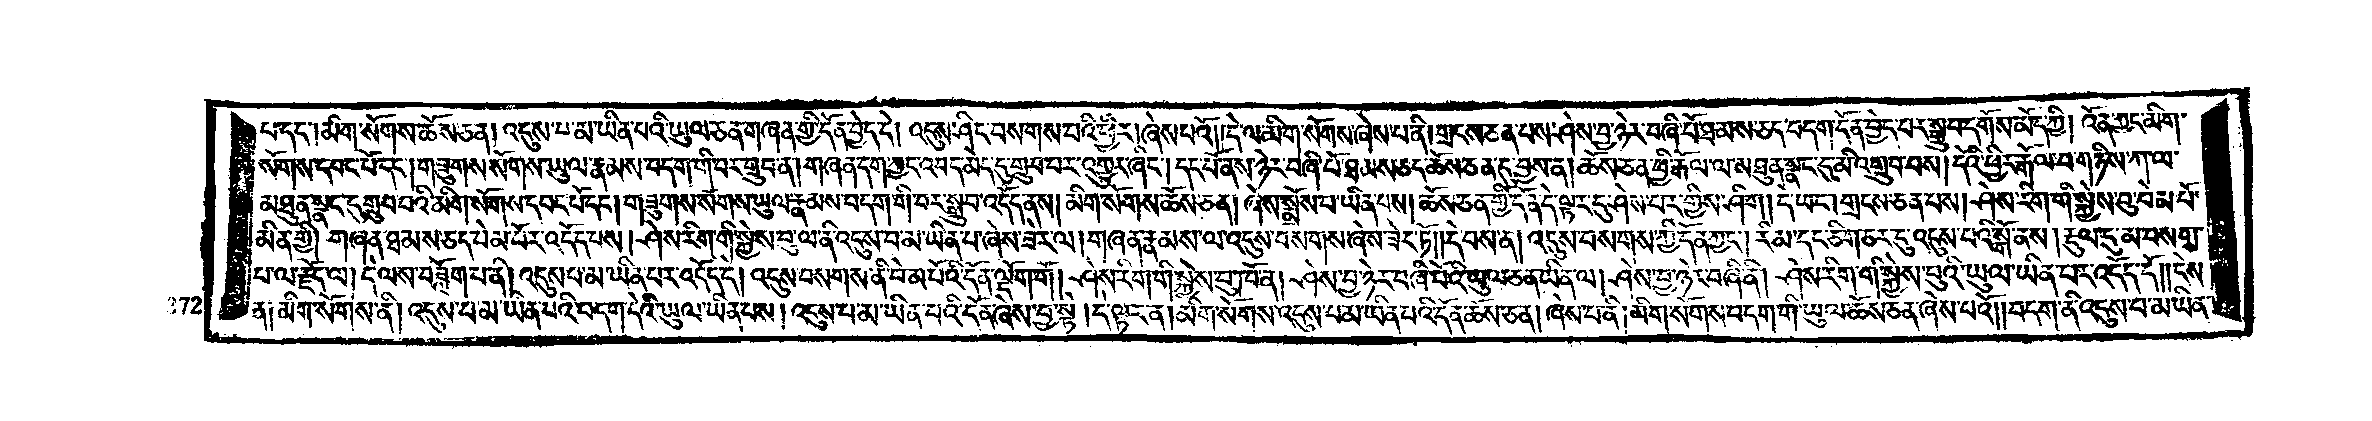པ་དང་། མིག་སོགས་ཆོས་ཅན། འདུས་པ་མ་ཡིན་པའི་ཡུལ་ཅན་གཞན་གྱི་དོན་བྱེད་དེ། འདུས་ཤིང་བསགས་པའི་ཕྱིར། ཞེས་པའོ། །དེ་ལ་མིག་སོགས་ཞེས་པ་ནི། གྲངས་ཅན་པས་ཤེས་བྱ་ཉེར་བཞི་པོ་ཐམས་ཅད་བདག་དོན་བྱེད་པར་སྒྲུབ་དགོས་མོད་ཀྱི། འོན་ཀྱང་མིག་
སོགས་དབང་པོ་དང་། གཟུགས་སོགས་ཡུལ་རྣམས་བདག་གི་བར་གྲུབ་ན། གཞན་དག་ཀྱང་འབད་མེད་དུ་གྲུབ་པར་འགྱུར་ཞིང་། དང་པོ་ནས་ཉེར་བཞི་པོ་ཐམས་ཅད་ཆོས་ཅན་དུ་བྱས་ན། ཆོས་ཅན་ཕྱི་རྒོལ་ལ་མཐུན་སྣང་དུ་མི་འགྲུབ་པས། དེའི་ཕྱིར་རྒོལ་བ་གཉིས་ཀ་ལ་
མཐུན་སྣང་དུ་གྲུབ་པའི་མིག་སོགས་དབང་པོ་དང་། གཟུགས་སོགས་ཡུལ་རྣམས་བདག་གི་བར་སྒྲུབ་འདོད་ནས། མིག་སོགས་ཆོས་ཅན། ཞེས་སྨྲོས་པ་ཡིན་པས། ཆོས་ཅན་གྱི་དོན་དེ་ལྟར་དུ་ཤེས་པར་གྱིས་ཤིག། དེ་ཡང་། གྲངས་ཅན་པས། ཤེས་རིག་གི་སྐྱེས་བུ་བེམ་པོ་
མིན་གྱི། གཞན་ཐམས་ཅད་བེམ་པོར་འདོད་པས། ཤེས་རིག་གི་སྐྱེས་བུ་ལ་ནི་འདུས་པ་མ་ཡིན་པ་ཞེས་ཟེར་ལ། གཞན་རྣམས་ལ་འདུས་བསགས་ཞེས་ཟེར་ཏོ། །དེ་བས་ན། འདུས་བསགས་ཀྱི་དོན་ཀྱང་། རིམ་དང་ཅིག་ཅར་དུ་འདུས་པའི་སྒོ་ནས། རྡུལ་དུ་མ་བསགས་
པ་ལ་རྗོད་ལ། དེ་ལས་བཟློག་པ་ནི། འདུས་པ་མ་ཡིན་པར་འདོད་དེ། འདུས་བསགས་ནི་བེམ་པོའི་དོན་ལྡོག་གོ། ཤེས་རིག་གི་སྐྱེས་བུ་ཁོ་ན། ཤེས་བྱ་ཉེར་བཞི་པོའི་ཡུལ་ཅན་ཡིན་ལ། ཤེས་རིག་གི་སྐྱེས་བུའི་ཡུལ་ཡིན་པར་འདོད་དོ། །ངེས་
ན། མིག་སོགས་ནི། འདུས་པ་མ་ཡིན་པའི་བདག་དེའི་ཡུལ་ཡིན་པས། འདུས་པ་མ་ཡིན་པའི་དོན་ཞེས་བྱ་སྟེ། དེ་ལྟར་ན། མིག་སོགས་འདུས་པ་མ་ཡིན་པའི་དོན་ཆོས་ཅན། ཞེས་པ་ནི། མིག་སོགས་བདག་གི་ཡུལ་ཆོས་ཅན་ཞེས་པའོ། །བདག་ནི་འདུས་པ་མ་ཡིན་